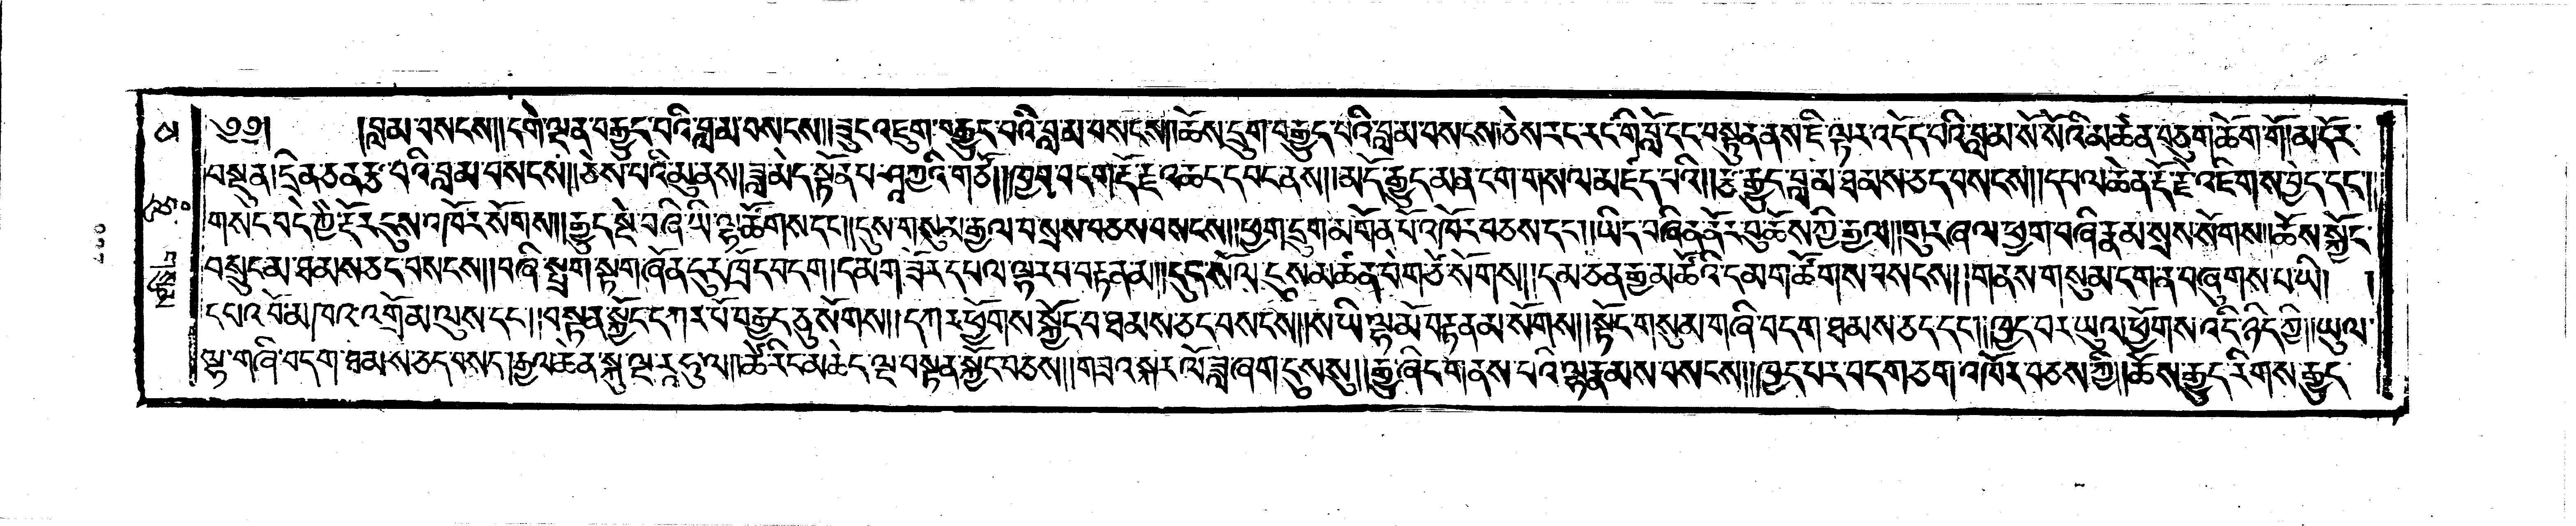༄༅། །བླ་མ་བསངས། །དགེ་ལྡན་བརྒྱུད་པའི་བླ་མ་བསངས། །ཟུང་འཇུག་བརྒྱུད་པའི་བླ་མ་བསངས། །ཆོས་དྲུག་བརྒྱུད་པའི་བླ་མ་བསངས། ཅེས་རང་རང་གི་བློ་དང་བསྟུན་ནས་ཇི་ལྟར་འདོད་པའི་བླ་མ་སོ་སོའི་མཚན་བཅུག་ཆོག་གོ །མདོར་
བསྡུ་ན། དྲིན་ཅན་རྩ་བའི་བླ་མ་བསངས། །ཅེས་པའི་མུ་ནས། ཟླ་མེད་སྟོན་པ་ཤཱཀྱའི་གཙོ། །ཁྱབ་བདག་རྡོ་རྗེ་འཆང་དབང་ནས། །མདོ་རྒྱུད་མན་ངག་གསལ་མཛད་པའི། །རྩ་རྒྱུད་བླ་མ་ཐམས་ཅད་བསངས། །དཔལ་ཆེན་རྡོ་རྗེ་འཇིགས་བྱེད་དང་། །
གསང་བདེ་ཀྱཻ་རྡོར་དུས་འཁོར་སོགས། །རྒྱུད་སྡེ་བཞི་ཡི་ལྷ་ཚོགས་དང་། །དུས་གསུམ་རྒྱལ་བ་སྲས་བཅས་བསངས། །ཕྱག་དྲུག་མགོན་པོ་འཁོར་བཅས་དང་། །ཡིད་བཞིན་ནོར་བུ་ཆོས་ཀྱི་རྒྱལ། །གུར་ཞལ་ཕྱག་བཞི་རྣམ་སྲས་སོགས། །ཆོས་སྐྱོང་
བསྲུང་མ་ཐམས་ཅད་བསངས། །བཞི་སྦྲག་སྟག་ཞོན་དུར་ཁྲོད་བདག །དམག་ཟོར་དཔལ་ལྷ་རབ་བརྟན་མ། །དུད་གསོལ་དུས་མཚན་བེག་ཙེ་སོགས། །དམ་ཅན་རྒྱ་མཚོའི་དམག་ཚོགས་བསངས། །གནས་གསུམ་དག་ན་བཞུགས་པ་ཡི། །
དཔའ་བོ་མཁའ་འགྲོ་མ་ལུས་དང་། །བསྟན་སྐྱོང་དཀར་པོ་བརྒྱད་ཅུ་སོགས། །དཀར་ཕྱོགས་སྐྱོང་བ་ཐམས་ཅད་བསངས། །ས་ཡི་ལྷ་མོ་བརྟན་མ་སོགས། །སྟོང་གསུམ་གཞི་བདག་ཐམས་ཅད་དང་། །ཁྱད་པར་ཡུལ་ཕྱོགས་འདི་ཉིད་ཀྱི། །ཡུལ་
ལྷ་གཞི་བདག་ཐམས་ཅད་བསངས། །རྒྱལ་ཆེན་སྐུ་ལྔ་རཱ་ཧུ་ལ། །ཚེ་རིང་མཆེད་ལྔ་བསྟན་སྐྱོང་བཅས། །གཟའ་སྐར་ལོ་ཟླ་ཞག་དུས་སུ། །རྒྱུ་ཞིང་གནས་པའི་ལྷ་རྣམས་བསངས། །ཁྱད་པར་བདག་ཅག་འཁོར་བཅས་ཀྱི། །ཆོས་རྒྱུད་རིགས་རྒྱུད་